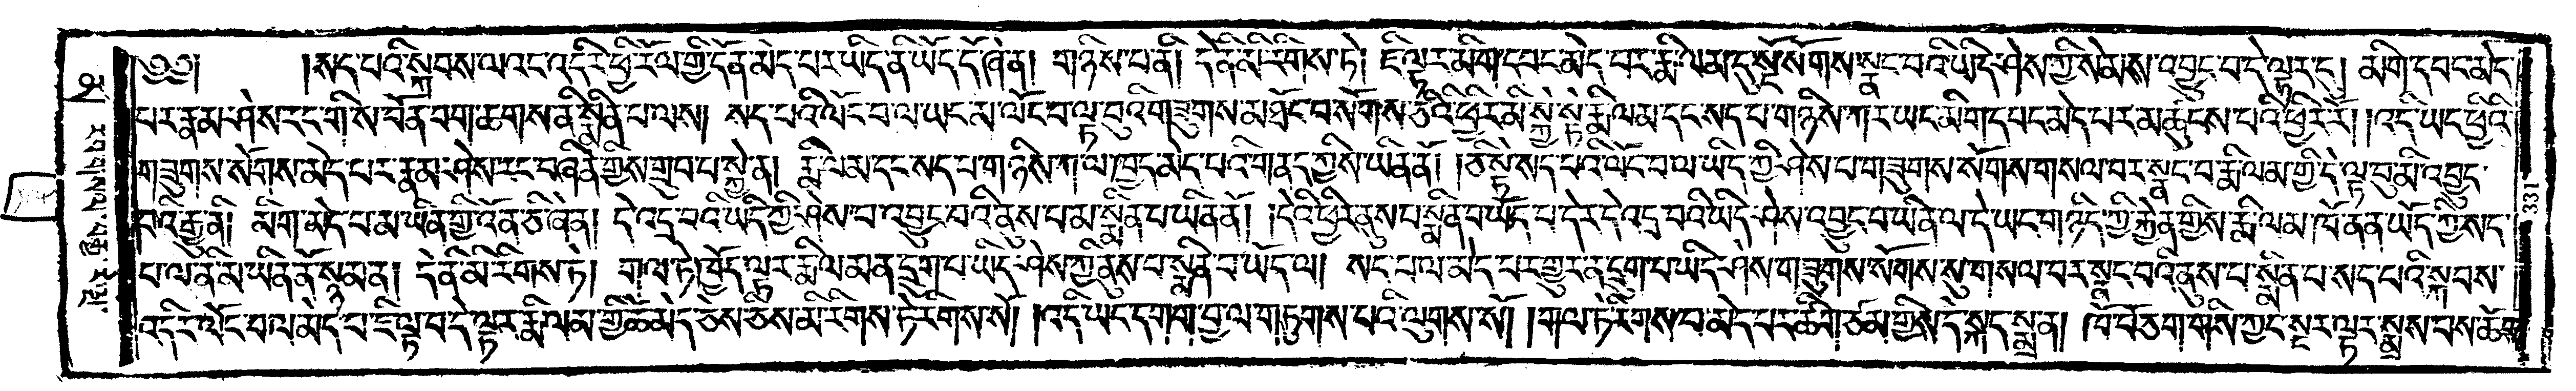༄༅། །སད་པའི་སྐབས་ལའང་འདིར་ཕྱི་རོལ་གྱི་དོན་མེད་པར་ཡིད་ནི་ཡོད་དོ་ཞེ་ན། གཉིས་པ་ནི། དེ་ནི་མི་རིགས་ཏེ། ཇི་ལྟར་མིག་དབང་མེད་པར་རྨི་ལམ་དུ་སྔོ་སོགས་སྣང་བའི་ཡིད་ཤེས་ཀྱི་སེམས་འབྱུང་བ་དེ་ལྟར་དུ། མིག་དབང་མེད་
པར་རྣམ་ཤེས་རང་གི་ས་བོན་བག་ཆགས་ནི་སྨིན་པ་ལས། སད་པའི་ལོང་བ་ལ་ཡང་མ་ལོང་བ་ལྟ་བུའི་གཟུགས་མཐོང་བ་སོགས་ཅིའི་ཕྱིར་མི་སྐྱེ་སྟེ་རྨི་ལམ་དང་སད་པ་གཉིས་ཀར་ཡང་མིག་དབང་མེད་པར་མཚུངས་པའི་ཕྱིར་རོ། །འདི་ཡང་ཕྱིའི་
གཟུགས་སོགས་མེད་པར་རྣམ་ཤེས་རང་བཞིན་གྱིས་གྲུབ་པ་སྐྱེ་ན། རྨི་ལམ་དང་སད་པ་གཉིས་ཀ་ལ་ཁྱད་མེད་པའི་གནད་ཀྱིས་ཡིན་ནོ། །ཅི་སྟེ་སད་པའི་ལོང་པ་ལ་ཡིད་ཀྱི་ཤེས་པ་གཟུགས་སོགས་གསལ་བར་སྣང་བ་རྨི་ལམ་གྱི་དེ་ལྟ་བུ་མི་འབྱུང་
བའི་རྒྱུ་ནི། མིག་མེད་པ་མ་ཡིན་གྱི་འོ་ན་ཅི་ཞེ་ན། དེ་འདྲ་བའི་ཡིད་ཀྱི་ཤེས་པ་འབྱུང་བའི་ནུས་པ་མ་སྨིན་པ་ཡིན་ནོ། །དེའི་ཕྱིར་ནུས་པ་སྨིན་པ་ཡོད་པ་དེར་དེ་འདྲ་བའི་ཡིད་ཤེས་འབྱུང་བ་ཡིན་ལ་དེ་ཡང་གཉིད་ཀྱི་རྐྱེན་གྱིས་རྨི་ལམ་ཁོ་ན་ན་ཡོད་ཀྱི་སད་
པ་ལ་ནི་མ་ཡིན་ནོ་སྙམ་ན། དེ་ནི་མི་རིགས་ཏེ། གལ་ཏེ་ཁྱོད་ལྟར་རྨི་ལམ་ན་དྲུག་པ་ཡིད་ཤེས་ཀྱི་ནུས་པ་སྨིན་པ་ཡོད་ལ། སད་པ་ལ་མེད་པར་གྱུར་ན་དྲུག་པ་ཡིད་ཤེས་གཟུགས་སོགས་སུ་གསལ་བར་སྣང་བའི་ནུས་པ་སྨིན་པ་སད་པའི་སྐབས་
འདིར་ལོང་བ་ལ་མེད་པ་ཇི་ལྟ་བ་དེ་ལྟར་རྨི་ལམ་གྱི་ཚེ་མེད་ཅེས་ཅིས་མི་རིགས་ཏེ་རིགས་སོ། །འདི་ཡང་དགག་བྱ་ལ་གཏུགས་པའི་ལུགས་སོ། །གལ་ཏེ་རིགས་པ་མེད་པར་ཚིག་ཙམ་གྱིས་དེ་སྐད་སྨྲ་ན། ཁོ་བོ་ཅག་གིས་ཀྱང་སྔར་ལྟར་སྨྲས་པས་ཆོག་